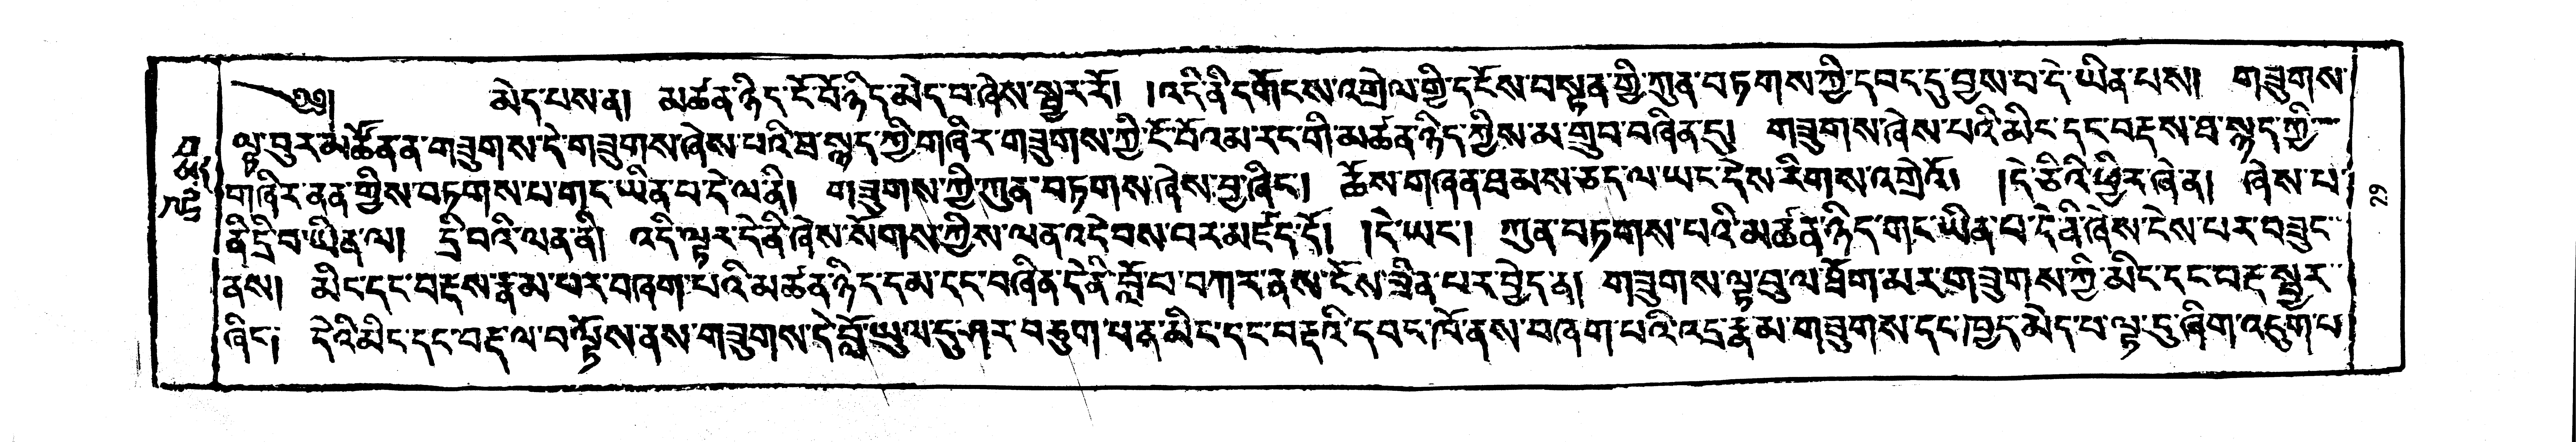༄༅། །མེད་པས་ན། མཚན་ཉིད་ངོ་བོ་ཉིད་མེད་པ་ཞེས་སྦྱར་རོ། །འདི་ནི་དགོངས་འགྲེལ་གྱི་དངོས་བསྟན་གྱི་ཀུན་བཏགས་ཀྱི་དབང་དུ་བྱས་བ་དེ་ཡིན་པས། གཟུགས་
ལྟ་བུར་མཚོན་ན་གཟུགས་དེ་གཟུགས་ཞེས་པའི་ཐ་སྙད་ཀྱི་གཞིར་གཟུགས་ཀྱི་ངོ་བོའམ་རང་གི་མཚན་ཉིད་ཀྱིས་མ་གྲུབ་བཞིན་དུ། གཟུགས་ཞེས་པའི་མིང་དང་བརྡས་ཐ་སྙད་ཀྱི་
གཞིར་ནན་གྱིས་བཏགས་པ་གང་ཡིན་པ་དེ་ལ་ནི། གཟུགས་ཀྱི་ཀུན་བཏགས་ཞེས་བྱ་ཞིང་། ཆོས་གཞན་ཐམས་ཅད་ལ་ཡང་དེས་རིགས་འགྲེའོ། །དེ་ཅིའི་ཕྱིར་ཞེ་ན། ཞེས་པ་
ནི་དྲི་བ་ཡིན་ལ། དྲི་བའི་ལན་ནི། འདི་ལྟར་དེ་ནི་ཞེས་སོགས་ཀྱིས་ལན་འདེབས་བར་མཛད་དོ། །དེ་ཡང་། ཀུན་བཏགས་པའི་མཚན་ཉིད་གང་ཡིན་པ་དེ་ནི་ཞེས་ངེས་པར་བཟུང་
ནས། མིང་དང་བརྡས་རྣམ་པར་བཞག་པའི་མཚན་ཉིད་དམ་དང་བཞིན་དེ་ནི་བློ་བ་བཀར་ནས་ངོས་ཟིན་པར་བྱེད་ན། གཟུགས་ལྟ་བུ་ལ་ཐོག་མར་གཟུགས་ཀྱི་མིང་དང་བརྡ་སྦྱར་
ཞིང༑ དེའི་མིང་དང་བརྡ་ལ་བལྟོས་ནས་གཟུགས་དེ་བློ་ཡུལ་དུ་ཤར་བཅུག་པ་ན་མིང་དང་བརྡའི་དབང་ཁོ་ནས་བཞག་པའི་འདྲ་རྣམ་གཟུགས་དང་ཁྱད་མེད་པ་ལྟ་དུ་ཞིག་འདུག་པ་